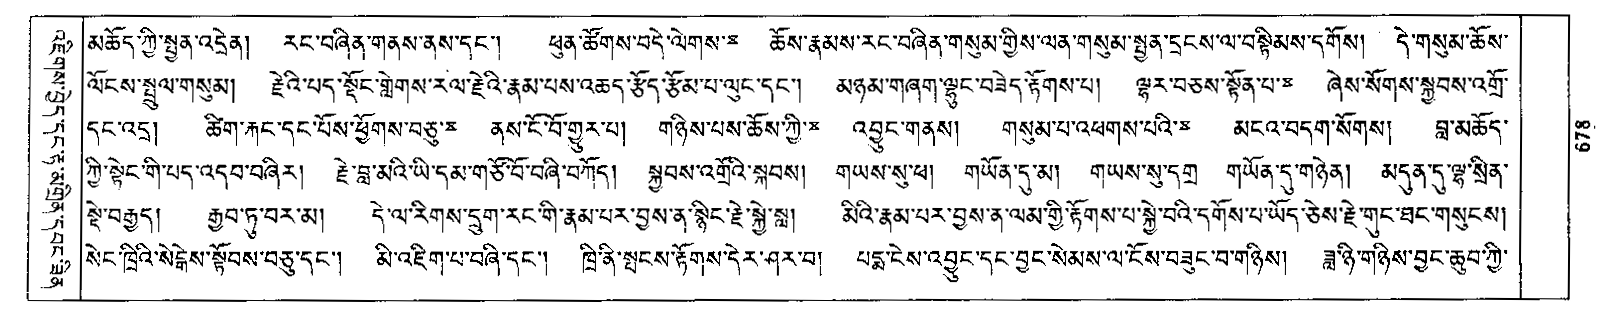མཆོད་ཀྱི་སྤྱན་འདྲེན། རང་བཞིན་གནས་ནས་དང་། ཕུན་ཚོགས་བདེ་ལེགས་྾་ཆོས་རྣམས་རང་བཞིན་གསུམ་གྱིས་ལན་གསུམ་སྤྱན་དྲངས་ལ་བསྟིམས་དགོས། དེ་གསུམ་ཆོས་
ལོངས་སྤྲུལ་གསུམ། རྗེའི་པད་སྡོང་གླེགས་རལ་རྗེའི་རྣམ་པས་འཆད་རྩོད་རྩོམ་པ་ལུང་དང་། མཉམ་གཞག་ལྷུང་བཟེད་རྟོགས་པ། ལྷར་བཅས་སྟོན་པ་྾་ཞེས་སོགས་སྐྱབས་འགྲོ་
དང་འདྲ། ཚིག་རྐང་དང་པོས་ཕྱོགས་བཅུ་྾་ནས་ངོ་བོ་གྱུར་པ། གཉིས་པས་ཆོས་ཀྱི་྾་འབྱུང་གནས། གསུམ་པ་འཕགས་པའི་྾་མངའ་བདག་སོགས། བླ་མཆོད་
ཀྱི་སྟེང་གི་པད་འདབ་བཞིར། རྗེ་བླ་མའི་ཡི་དམ་གཙོ་བོ་བཞི་བཀོད། སྐྱབས་འགྲོའི་སྐབས། གཡས་སུ་ཕ། གཡོན་དུ་མ། གཡས་སུ་དགྲ་གཡོན་དུ་གཉེན། མདུན་དུ་ལྷ་སྲིན་
སྡེ་བརྒྱད། རྒྱབ་ཏུ་བར་མ། དེ་ལ་རིགས་དྲུག་རང་གི་རྣམ་པར་བྱས་ན་སྙིང་རྗེ་སྐྱེ་སླ། མིའི་རྣམ་པར་བྱས་ན་ལམ་གྱི་རྟོགས་པ་སྐྱེ་བའི་དགོས་པ་ཡོད་ཅེས་རྗེ་གུང་ཐང་གསུངས།
སེང་ཁྲིའི་སེངྒེས་སྟོབས་བཅུ་དང་། མི་འཇིག་པ་བཞི་དང་། ཁྲི་ནི་སྤངས་རྟོགས་དེར་ཤར་བ། པདམ་ངེས་འབྱུང་དང་བྱང་སེམས་ལ་ངོས་བཟུང་བ་གཉིས། ཟླ་ཉི་གཉིས་བྱང་ཆུབ་ཀྱི་